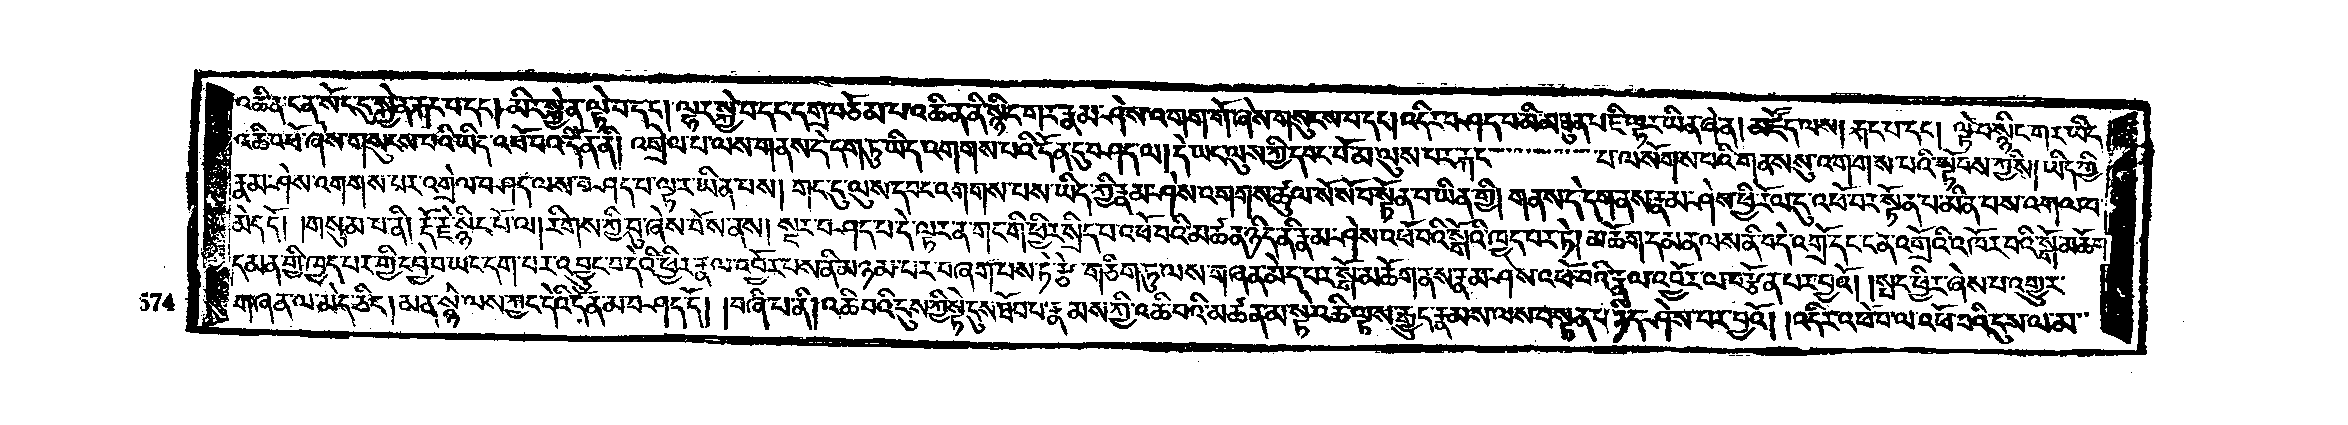འཆི་ན་ངན་སོང་དུ་སྐྱེ་ན་རྐང་པ་དང་། མིར་སྐྱེ་ན་ལྟེ་བ་དང་། ལྷར་སྐྱེ་བ་དང་དགྲ་བཅོམ་པ་འཆི་ན་ནི་སྙིང་གར་རྣམ་ཤེས་འགག་གོ་ཞེས་གསུངས་པ་དང་། འདིར་བཤད་པ་མི་མཐུན་པ་ཇི་ལྟར་ཡིན་ཞེ་ན། མཛོད་ལས། རྐང་པ་དང་། ལྟེ་བ་སྙིང་གར་ཡིད་
འཆི་འཕོ་ཞེས་གསུངས་པའི་ཡིད་འཕོ་བའི་དོན་ནི། འགྲེལ་པ་ལས་གནས་དེ་དག་ཏུ་ཡིད་འགགས་པའི་དོན་དུ་བཤད་ལ། དེ་ཡང་ལུས་ཀྱི་དབང་པོ་མ་ལུས་པར་རྐང་པ་ལ་སོགས་པའི་གནས་སུ་འགགས་པའི་སྟོབས་ཀྱིས། ཡིད་ཀྱི་
རྣམ་ཤེས་འགགས་པར་འགྲེལ་བཤད་ལས་བཤད་པ་ལྟར་ཡིན་པས། གང་དུ་ལུས་དབང་འགགས་པས་ཡིད་ཀྱི་རྣམ་ཤེས་འགགས་ཚུལ་སོ་སོ་བ་སྟོན་པ་ཡིན་གྱི། གནས་དེ་དག་ནས་རྣམ་ཤེས་ཕྱི་རོལ་དུ་འཕོ་བར་སྟོན་པ་མིན་པས་འགལ་བ་
མེད་དོ། །གསུམ་པ་ནི། རྡོ་རྗེ་སྙིང་པོ་ལ། རིགས་ཀྱི་བུ་ཞེས་བོས་ནས། སྔར་བཤད་པ་དེ་ལྟར་ན་གང་གི་ཕྱིར་སྲིད་པ་འཕོ་བའི་མཚན་ཉིད་ནི་རྣམ་ཤེས་འཕོ་བའི་སྒོའི་ཁྱད་པར་ཏེ། མཆོག་དམན་ལས་ནི་བདེ་འགྲོ་དང་ངན་འགྲོའི་འཁོར་བའི་སྒོ་མཆོག་
དམན་གྱི་ཁྱད་པར་གྱི་དབྱེ་བ་ཡང་དག་པར་འབྱུང་བ་དེའི་ཕྱིར་རྣལ་འབྱོར་པས་ནི་མཉམ་པར་བཞག་པས་ཏེ་རྩེ་གཅིག་ཏུ་ལས་གཞན་མེད་པར་སྒོ་མཆོག་ནས་རྣམ་ཤེས་འཕོ་བའི་རྣལ་འབྱོར་ལ་བརྩོན་པར་བྱའོ། །སྤང་ཕྱིར་ཞེས་པ་འགྱུར་
གཞན་ལ་མེད་ཅིང་། མན་སྙེ་ལས་ཀྱང་དེའི་དོན་མ་བཤད་དོ། །བཞི་པ་ནི། འཆི་བའི་དུས་ཀྱི་སྟེ་དུས་ཐོབ་པ་རྣམས་ཀྱི་འཆི་བའི་མཚན་མ་སྟེ་འཆི་ལྟས་རྒྱུད་རྣམས་ལས་བསྟན་པ་ཉིད་ཤེས་པར་བྱའོ། །འདིར་འཕོ་བ་ལ་འཕོ་བའི་དུས་ལ་མ་